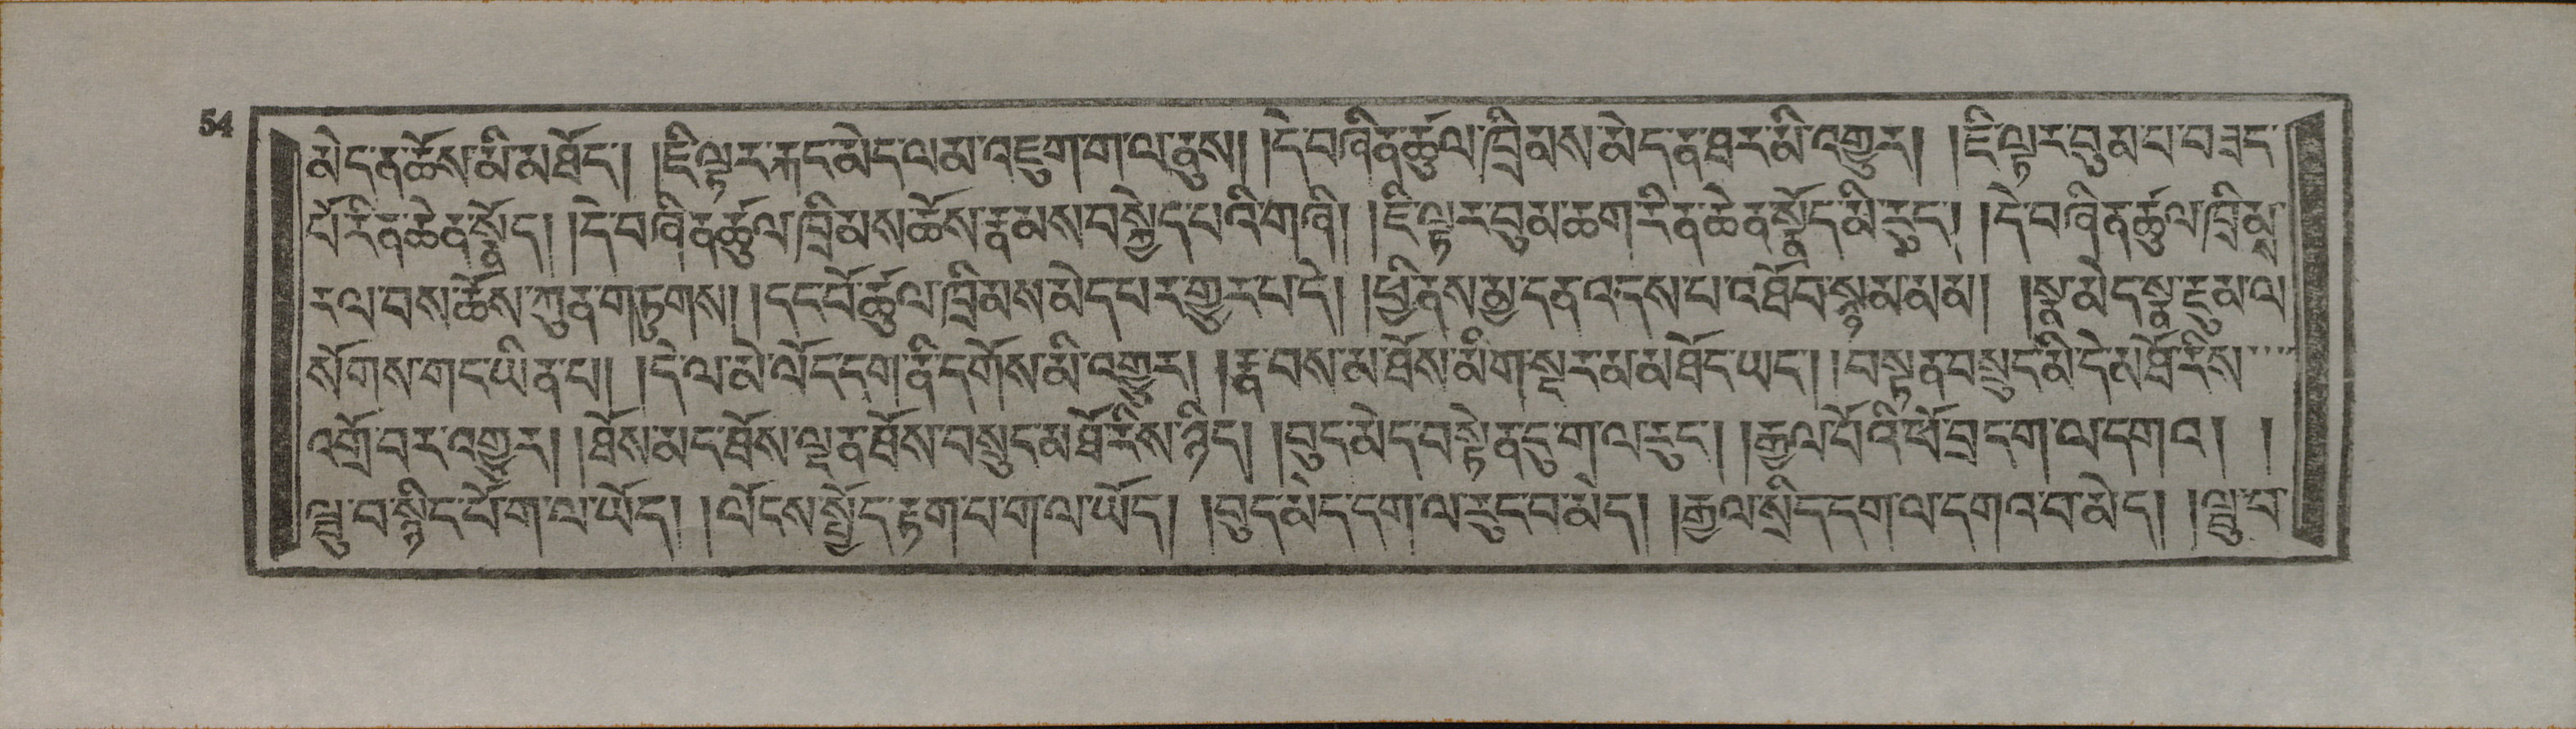མེད་ན་ཆོས་མི་མཐོང་། །ཇི་ལྟར་རྐང་མེད་ལམ་འཇུག་ག་ལ་ནུས། །དེ་བཞིན་ཚུལ་ཁྲིམས་མེད་ན་ཐར་མི་འགྱུར། །ཇི་ལྟར་བུམ་པ་བཟང་
པོ་རིན་ཆེན་སྣོད། །དེ་བཞིན་ཚུལ་ཁྲིམས་ཆོས་རྣམས་བསྐྱེད་པའི་གཞི། །ཇི་ལྟར་བུམ་ཆག་རིན་ཆེན་སྣོད་མི་རུང་། །དེ་བཞིན་ཚུལ་ཁྲིམས་
རལ་བས་ཆོས་ཀུན་གཏུགས། །དང་པོ་ཚུལ་ཁྲིམས་མེད་པར་གྱུར་པ་དེ། །ཕྱི་ནས་མྱ་ངན་འདས་པ་འཐོབ་སྙམ་མམ། །སྣ་མེད་སྣ་རྡུམ་ལ་
སོགས་གང་ཡིན་པ། །དེ་ལ་མེ་ལོང་དག་ནི་དགོས་མི་འགྱུར། །རྣ་བས་མ་ཐོས་མིག་སྔར་མ་མཐོང་ཡང་། །བསྟན་བསྲུང་མི་དེ་མཐོ་རིས་
འགྲོ་བར་འགྱུར། །ཐོས་མང་ཐོས་ལྡན་ཐོས་བསྲུང་མཐོ་རིས་ཉིད། །བུད་མེད་བསྟེན་དུ་ག་ལ་རུང་། །རྒྱལ་པོའི་ཕོ་བྲང་ག་ལ་དགའ། །
ལྦུ་བ་སྙིང་པོ་ག་ལ་ཡོད། །ལོངས་སྤྱོད་རྟག་པ་ག་ལ་ཡོད། །བུད་མེད་དག་ལ་རུང་བ་མེད། །རྒྱལ་སྲིད་དག་ལ་དགའ་བ་མེད། །ལྦུ་བ་